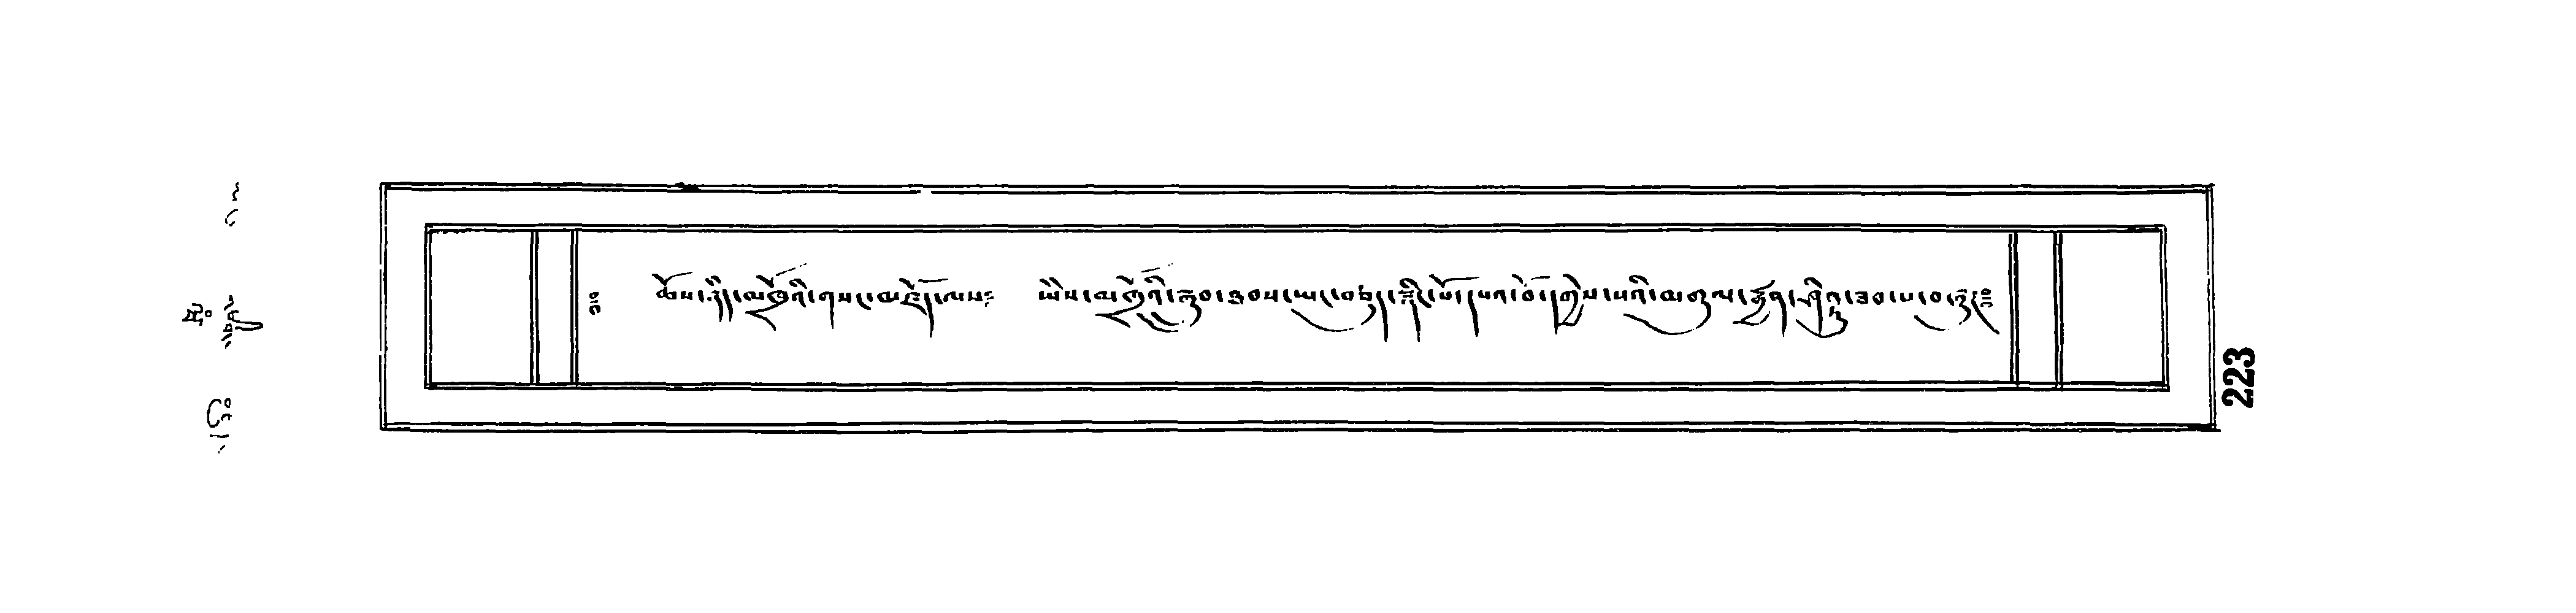ཆོས་ཉིད་མཁའ་འགྲོའི་གསང་མཛོད་ལས༔ ཡེ་ཤེས་མཁའ་འགྲོའི་སྒྲུབ་ཐབས་ཡང་བཅུད་སྙིང་པོ་དཔའ་བོ་དགྱེས་པའི་མགུལ་རྒྱན་ཤིན་ཏུ་ཟབ་པ་བཞུགས༔